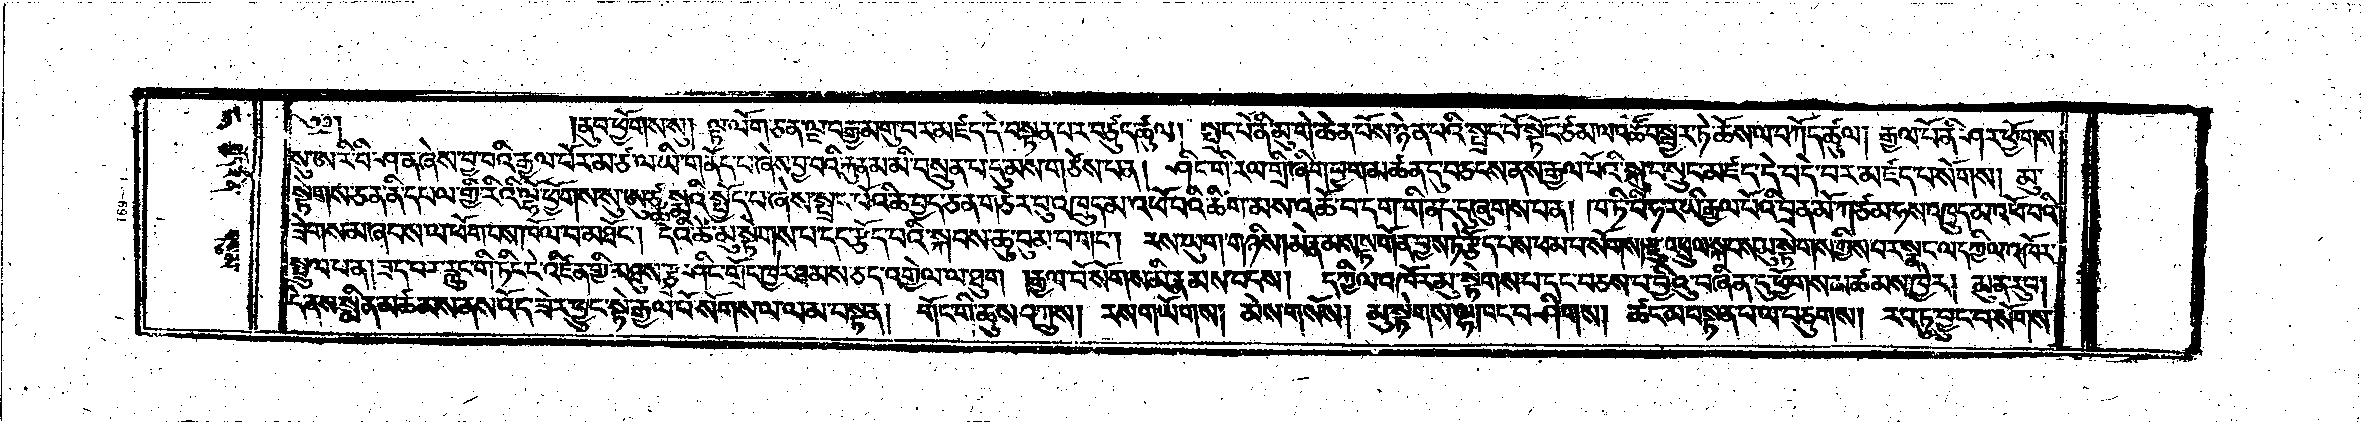༄༅། །ནུབ་ཕྱོགས་སུ། ལྟ་ལོག་ཅན་ལྔ་བརྒྱ་མགུ་བར་མཛད་དེ་བསྟན་པར་བཙུད་ཚུལ། སྤྲང་པོ་ནི་མུ་གེ་ཆེན་པོས་ཉེན་པའི་སྤྲང་པོ་སྟོང་ཙམ་ལ་འཚོ་བ་སྦྱར་ཏེ་ཆོས་ལ་བཀོད་ཚུལ། རྒྱལ་པོ་ནི་ཤར་ཕྱོགས་
སུ་ཨ་རི་བི་ཤན་ཞེས་བྱ་བའི་རྒྱལ་པོར་མ་ཙ་ལ་ཡི་གནོད་པ་ཞེས་བྱ་བའི་རྐུན་མ་མི་བསྲུན་པ་དུ་མས་གཙེས་པ་ན། ཤིང་གི་རལ་གྲི་ཞིག་ཕྱག་མཚན་དུ་བཅངས་ནས་རྒྱལ་པོའི་སྐུ་བསྲུང་མཛད་དེ་བདེ་བར་མཛད་པ་སོགས། མུ་
སྟེགས་ཅན་ནི་དཔལ་གྱི་རིའི་ལྷོ་ཕྱོགས་སུ་ཨུཙྪ་སྨའི་སྤྱོད་པ་ཞེས་སྤྲང་པོའི་ཆི་བྱད་ཅན་གཅེར་བུ་འཁྲུད་མ་འཕོ་བའི་ཚིག་མས་འཚོ་བ་དག་གི་ནང་དུ་ཞུགས་པ་ན། ཁ་ཏི་བི་ཧ་ར་ཡི་རྒྱལ་པོའི་བྲན་མོ་ཀ་ཙམ་ཧས་འཁྲུད་མ་འཕོ་བའི་
ཟེགས་མ་ཞབས་ལ་ཕོག་པས་ཁོལ་བ་མཐོང་། དེའི་ཚེ་མུ་སྟེགས་པ་དང་རྩོད་པའི་སྐབས་ཆུ་བུམ་པ་གང་། རས་ཡུག་གཉིས། མེ་རྣམས་སྟ་གོན་བྱས་ཏེ་རྩོད་པས་ཕམ་པ་སོགས། རྫུ་འཕྲུལ་སྐབས་མུ་སྟེགས་ཀྱིས་བར་སྣང་ལ་དཀྱིལ་འཁོར་
སྤྲུལ་པ་ན། ཟད་པར་རླུང་གི་ཏིང་ངེ་འཛིན་གྱི་མཐུས་རྩྭ་ཤིང་གྲོང་ཁྱེར་ཐམས་ཅད་འགྱེལ་ལ་ཐུག །རྒྱལ་བོ་སོགས་མི་རྣམས་བདས། དཀྱིལ་འཁོར་མུ་སྟེགས་པ་དང་བཅས་པ་བྱིའུ་བཞིན་དུ་ཕྱོགས་མཚམས་ཁྱེར། མུན་རུབ།
དེ་ནས་སྨིན་མཚམས་ནས་འོད་ཟེར་ཕྱུང་སྟེ་རྒྱལ་པོ་སོགས་ལ་ལམ་བསྟན། གོང་གི་ཆུས་བཀྲུས། རས་གཡོགས། མེས་གསོས། མུ་སྟེགས་ལྷ་ཁང་བཤིགས། ཚང་མ་བསྟན་པ་ལ་བཅུགས། རབ་ཏུ་བྱུང་བ་སོགས་